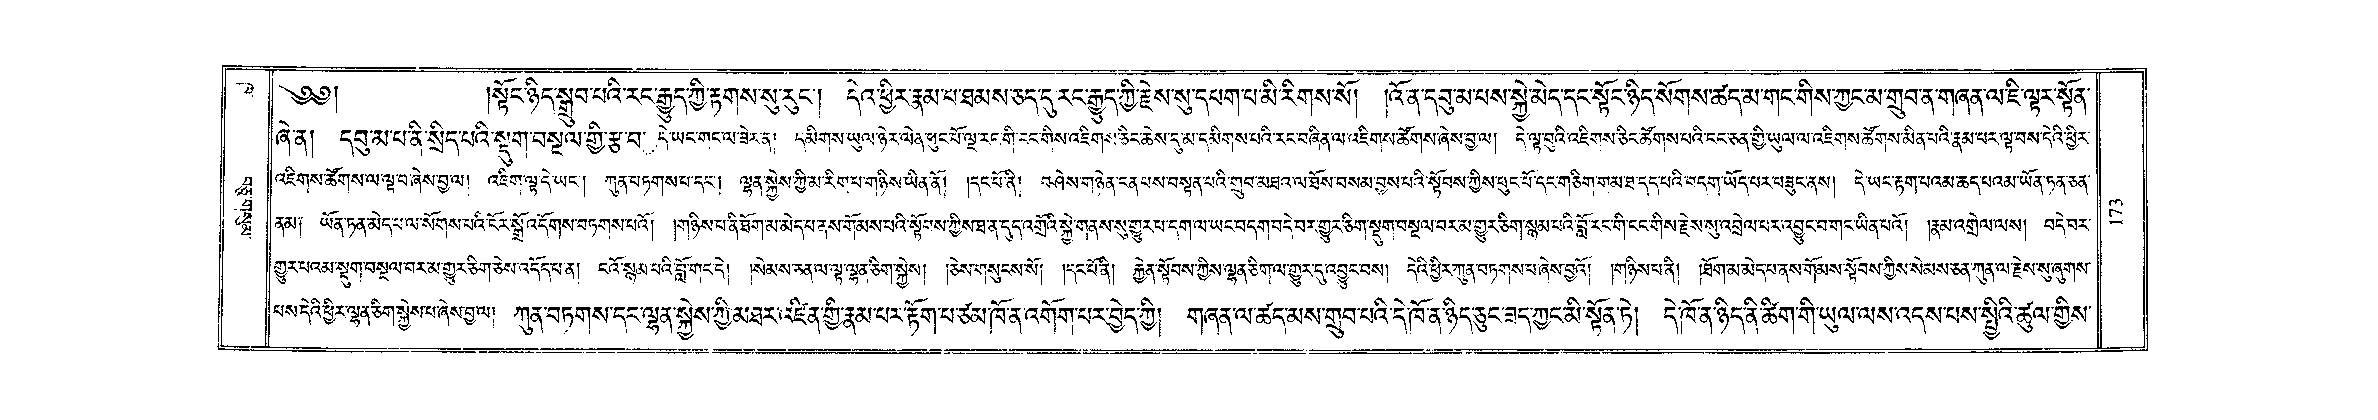༄༅། །སྟོང་ཉིད་སྒྲུབ་པའི་རང་རྒྱུད་ཀྱི་རྟགས་སུ་རུང་། དེའི་ཕྱིར་རྣམ་པ་ཐམས་ཅད་དུ་རང་རྒྱུད་ཀྱི་རྗེས་སུ་དཔག་པ་མི་རིགས་སོ། །འོ་ན་དབུ་མ་པས་སྐྱེ་མེད་དང་སྟོང་ཉིད་སོགས་ཚད་མ་གང་གིས་ཀྱང་མ་གྲུབ་ན་གཞན་ལ་ཇི་ལྟར་སྟོན་
ཞེ་ན། དབུ་མ་པ་ནི་སྲིད་པའི་སྡུག་བསྔལ་གྱི་རྩ་བ་དེ་ཡང་གང་ལ་ཟེར་ན། དམིགས་ཡུལ་ཉེར་ལེན་ཕུང་པོ་ལྔ་རང་གི་རང་གིས་འཇིགས་ཅིང་ཆེས་དུ་མ་དམིགས་པའི་རང་བཞིན་ལ་འཇིགས་ཚོགས་ཞེས་བྱ་ལ། དེ་ལྟ་བུའི་འཇིགས་ཅིང་ཚོགས་པའི་ངང་ཅན་གྱི་ཡུལ་ལ་འཇིགས་ཚོགས་མིན་པའི་རྣམ་པར་ལྟ་བས་དེའི་ཕྱིར་
འཇིགས་ཚོགས་ལ་ལྟ་བ་ཞེས་བྱ་ལ། འཇིག་ལྟ་དེ་ཡང་། ཀུན་བཏགས་པ་དང་། ལྷན་སྐྱེས་ཀྱི་མི་རིག་པ་གཉིས་ཡིན་ནོ། །དང་པོ་ནི། བཤེས་གཉེན་ངན་པས་བསྟན་པའི་གྲུབ་མཐའ་ལ་ཐོས་བསམ་བྱས་པའི་སྟོབས་ཀྱིས་ཕུང་པོ་དང་གཅིག་གམ་ཐ་དད་པའི་བདག་ཡོད་པར་བཟུང་ནས། དེ་ཡང་རྟག་པའམ་ཆད་པའམ་ཡོན་ཏན་ཅན་
ནམ༑ ཡོན་ཏན་མེད་པ་ལ་སོགས་པའི་ངོར་སྒྲོ་འདོགས་བཏགས་པའོ། །གཉིས་པ་ནི་ཐོག་མ་མེད་པ་ནས་གོམས་པའི་སྟོབས་ཀྱིས་ཐ་ན་དུད་འགྲོའི་སྐྱེ་གནས་སུ་གྱུར་པ་དག་ལ་ཡང་བདག་བདེ་བར་གྱུར་ཅིག་སྡུག་བསྔལ་བར་མ་གྱུར་ཅིག་སྙམ་པའི་བློ་རང་གི་ངང་གིས་རྗེས་སུ་འབྲེལ་པར་འབྱུང་བ་གང་ཡིན་པའོ། །རྣམ་འགྲེལ་ལས། བདེ་བར་
གྱུར་པའམ་སྡུག་བསྔལ་བར་མ་གྱུར་ཅིག་ཅེས་འདོད་པ་ན། ངའོ་སྙམ་པའི་བློ་གང་དེ། །སེམས་ཅན་ལ་ལྟ་ལྷན་ཅིག་སྐྱེས། །ཅེས་གསུངས་སོ། །དང་པོ་ནི། རྐྱེན་སྟོབས་ཀྱིས་ལྷན་ཅིག་ལ་གྱུར་དུ་འབྱུང་བས། དེའི་ཕྱིར་ཀུན་བཏགས་པ་ཞེས་བྱའོ། །གཉིས་པ་ནི། །ཐོག་མ་མེད་པ་ནས་གོམས་སྟོབས་ཀྱིས་སེམས་ཅན་ཀུན་ལ་རྗེས་སུ་ཞུགས་
པས་དེའི་ཕྱིར་ལྷན་ཅིག་སྐྱེས་པ་ཞེས་བྱ་ལ། ཀུན་བཏགས་དང་ལྷན་སྐྱེས་ཀྱི་མཐར་འཛིན་གྱི་རྣམ་པར་རྟོག་པ་ཙམ་ཁོ་ན་འགོག་པར་བྱེད་ཀྱི། གཞན་ལ་ཚད་མས་གྲུབ་པའི་དེ་ཁོ་ན་ཉིད་ཅུང་ཟད་ཀྱང་མི་སྟོན་ཏེ། དེ་ཁོ་ན་ཉིད་ནི་ཚིག་གི་ཡུལ་ལས་འདས་པས་སྤྱིའི་ཚུལ་གྱིས་